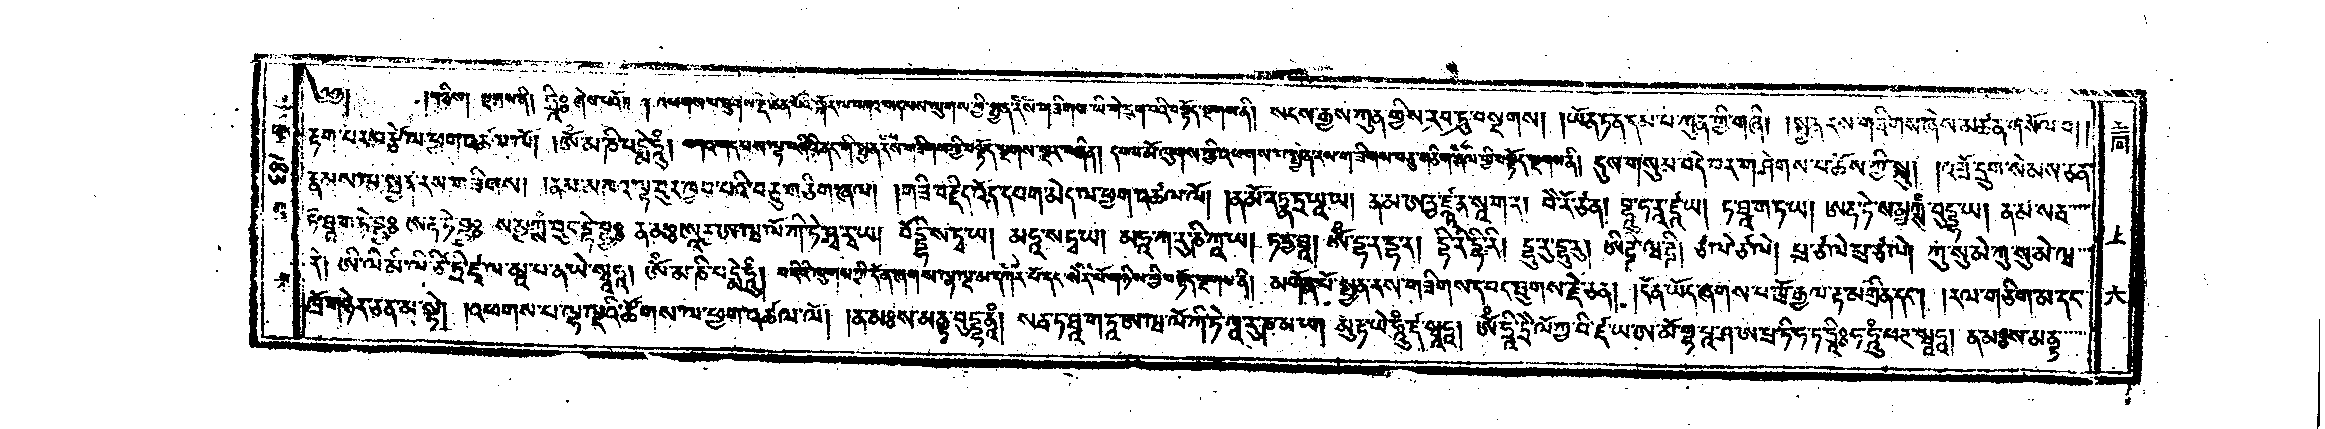༄༅། །གཉིས། སྔགས་ནི།  ཧྲཱིཿ ཞེས་པའོ།། ༈ འཕགས་པ་ཐུགས་རྗེ་ཆེན་པོའི་སྐོར་ལ་བཀའ་གདམས་ལུགས་ཀྱི་སྤྱན་རས་གཟིགས་ཡི་གེ་དྲུག་བའི་བསྟོད་སྔགས་ནི།  སངས་རྒྱས་ཀུན་གྱིས་རབ་ཏུ་བསྔགས། །ཡོན་ཏན་དམ་པ་ཀུན་གྱི་གཞི། །སྤྱན་རས་གཟིགས་ཞེས་མཚན་གསལ་བ།།
རྟག་པར་བརྩེ་ལ་ཕྱག་འཚལ་ལོ། །ཨོཾ་མ་ཎི་པདམེ་ཧཱུཾ། བཀའ་གདམས་ལྷ་བཞིའི་ནང་གི་སྤྱན་རས༤༥་གཟིགས་ཀྱི་བསྟོད་སྔགས་སྔར་བཞིན། དཔལ་མོ་ལུགས་ཀྱི་འཕགས་པ་སྤྱན་རས་གཟིགས་བཅུ་གཅིག་ཞལ༤༦་གྱི་བསྟོད་སྔགས་ནི། དུས་གསུམ་བདེ་བར་གཤེགས་པ་ཆོས་ཀྱི་སྐུ། །འགྲོ་དྲུག་སེམས་ཅན་
རྣམས་ལ་སྤྱན་རས་གཟིགས། །ནམ་མཁའ་ལྟ་བུར་ཁྱབ་པའི་བཅུ་གཅིག་ཞལ། །གཟི་བརྗིད་འོད་དཔག་མེད་ལ་ཕྱག་འཚལ་ལོ། །ན་མོ་རཏྣ་ཏྲ་ཡཱ་ཡ། ན་མ་ཨརྱ་ཛྙཱ་ན་སཱ་ག་ར། བཻ་རོ་ཙ་ན། བྷཱུ་ཧ་རཱ་ཛཱ་ཡ། ཏ་ཐཱ་ག་ཏ་ཡ། ཨརྷ་ཏེ་སམྱཀྶཾ་བུདྡྷ་ཡ། ན་མ་སརྦ་
ཏ་ཐཱ་ག་ཏེ་བྷྱཿཨརྟ་ཏེ་བྷྱཿ སམྱཀྶཾ་བུད་དྷེ་བྷྱཿ ན་མཿཨཱརྱ་ཨ་ཝ་ལོ་ཀི་ཏེ་ཤྭ་རྭ་ཡ། བོདྡྷི་ས་ཏྭ་ཡ། མཧཱ་སཏྭ་ཡ། མཧཱ་ཀ་རུ་ཎི་ཀཱ་ཡ། ཏདྱ་ཐཱ། ཨོཾ་དྷ་ར་དྷ་ར། དྷི་རི་དྷི་རི། དྷུ་རུ་དྷུ་རུ། ཨིཌྜི་ཝཌྜི། ཙ་ལེ་ཙ་ལེ། པྲ་ཙ་ལེ་པྲ་ཙ་ལེ། ཀུ་སུ་མེ་ཀུ་སུ་མེ་ཝ་
རེ༑ ཨི་ལི་མི་ལི་ཙི་ཏྲི་ཛྭ་ལ་མཱ་པ་ན་ཡེ་སྭཱཧཱ། ཨོཾ་མ་ཎི་པདམེ་ཧཱུཾ། བ་རིའི་ལུགས་ཀྱི་དོན་ཞགས་ལྷ་ལྔ་མ་དཀར༤༧་པོ་དང་སེར༤༨་པོ་གཉིས་ཀྱི་བསྟོད་སྔགས་ནི། མགོན་པོ་སྤྱན་རས་གཟིགས་དབང་ཐུགས་རྗེ་ཅན། །དོན་ཡོད་ཞགས་པ་ཁྲོ་རྒྱལ་རྟ་མགྲིན་དང་། །རལ་གཅིག་མ་དང་
ཁྲོ་གཉེར་ཅན་མ་སྟེ། །འཕགས་པ་ལྷ་ལྔའི་ཚོགས་ལ་ཕྱག་འཚལ་ལོ། །ན་མཿས་མནྟ་བུདྡྷ་ནཱཾ། སརྦ་ཏ་ཐཱ་ག་ཏཱ་ཨ་ཝ་ལོ་ཀི་ཏེ་ཀཱ་རུ་ཎ་མ་ཡ། མུརྟ་ཡེ་ཧཱུཾ་ཛ་སྭཱཧཱ། ཨོཾ་ཧྲཱི་ཏྲཻ་ལོ་ཀྱ་བི་ཛ་ཡ་ཨ་མོ་གྷ་པཱ་ཤ་ཨ་པྲ་ཏི་ཧ་ཏ་ཧྲཱིཿཧ་ཧཱུཾ་ཕཊ་སྭཱཧཱ། ན་མཿ ས་མནྟ་